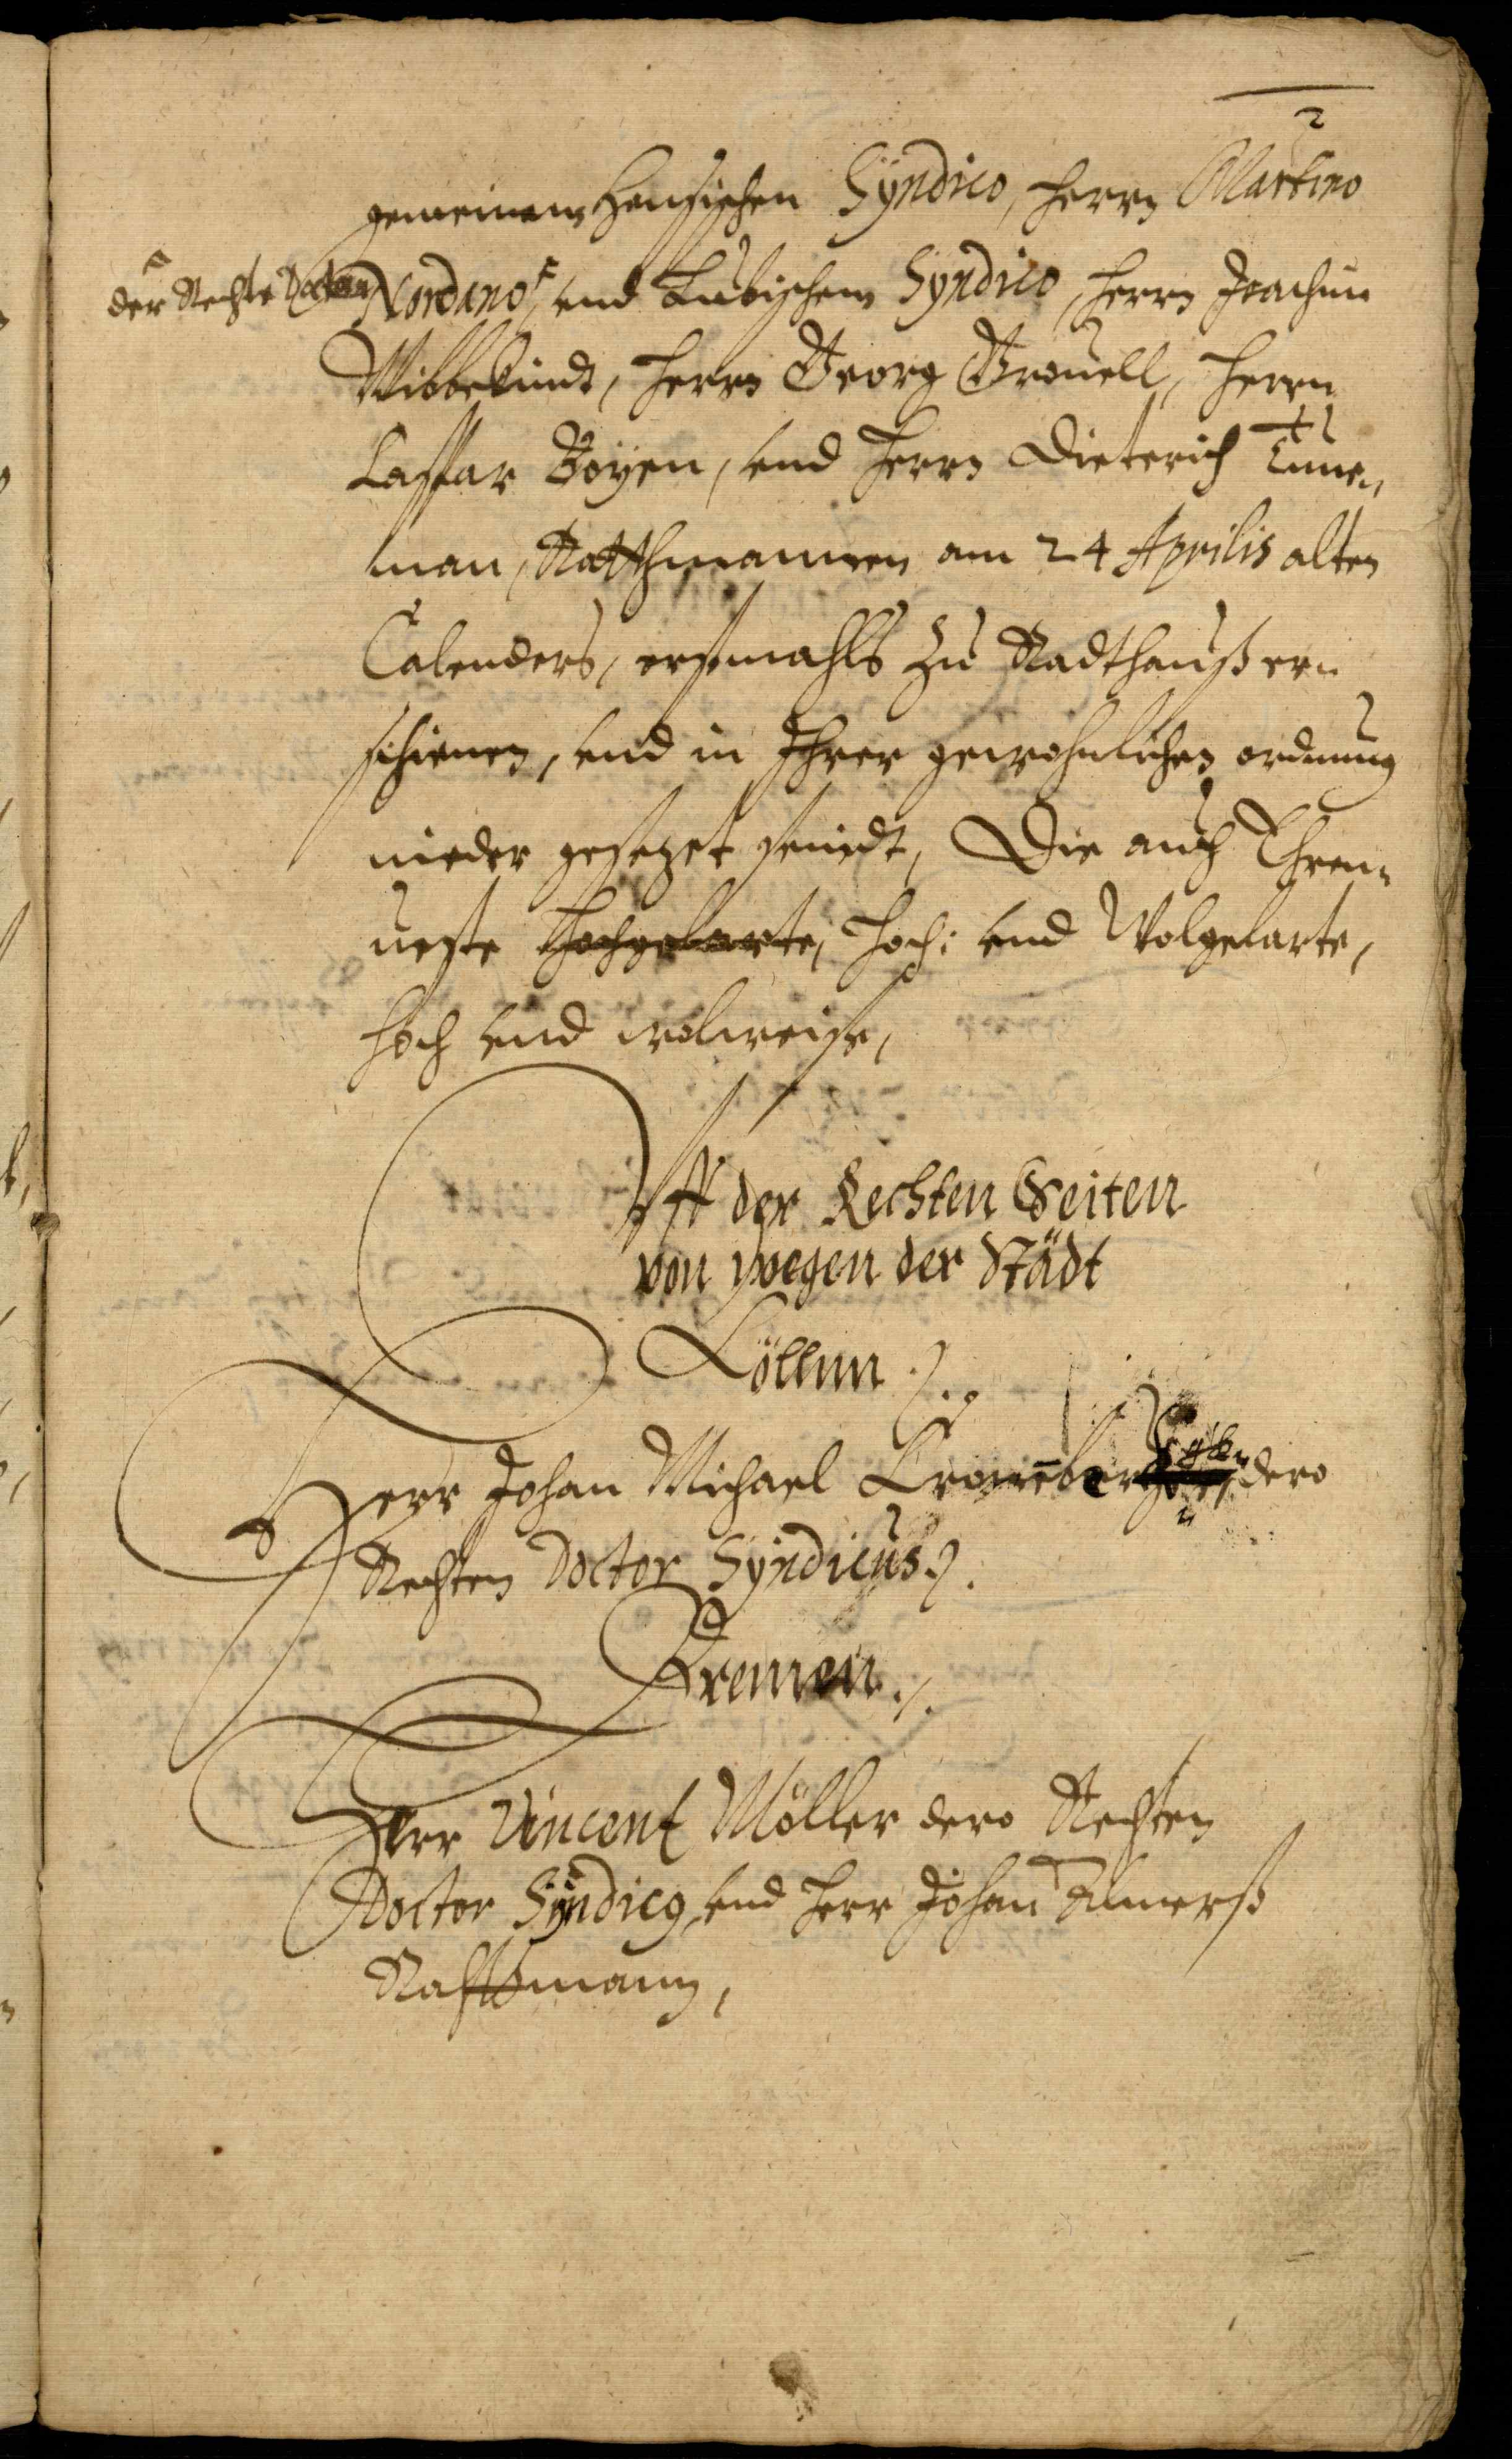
2
F
der Rechte Doctor
gemeinen hansischen Syndico herrn Martino
Nordano F, vnd Lubischen Syndico, herrn Joachim
Wibbekindt, herrn Georg Grouell, herrn
Caspar Boijen, vnd herrn Dietrich Cune¬
man, Ratthmannen am 24 Aprilis alten
Calenders, erstmahls zu Radthaus er¬
schienen, vnd in Ihrer gewohnlichen ordnung
nieder gesezet seindt, die auch Eren¬
ueste hochgelarte, hoch: vnd Wolgelarte,
hoch vnd wolweise,
Vff der Rechten Seiten
von wegen der Städt
Cöllnn
Herr Iohan Michael CronenborIoggk dero
Rechten Doctor Syndicus ./.
Bremen ./.
Herr Vincent Möller dero Rechten
Doctor Syndicus ,vnd herr Johan Almerß
Rahttmann,
